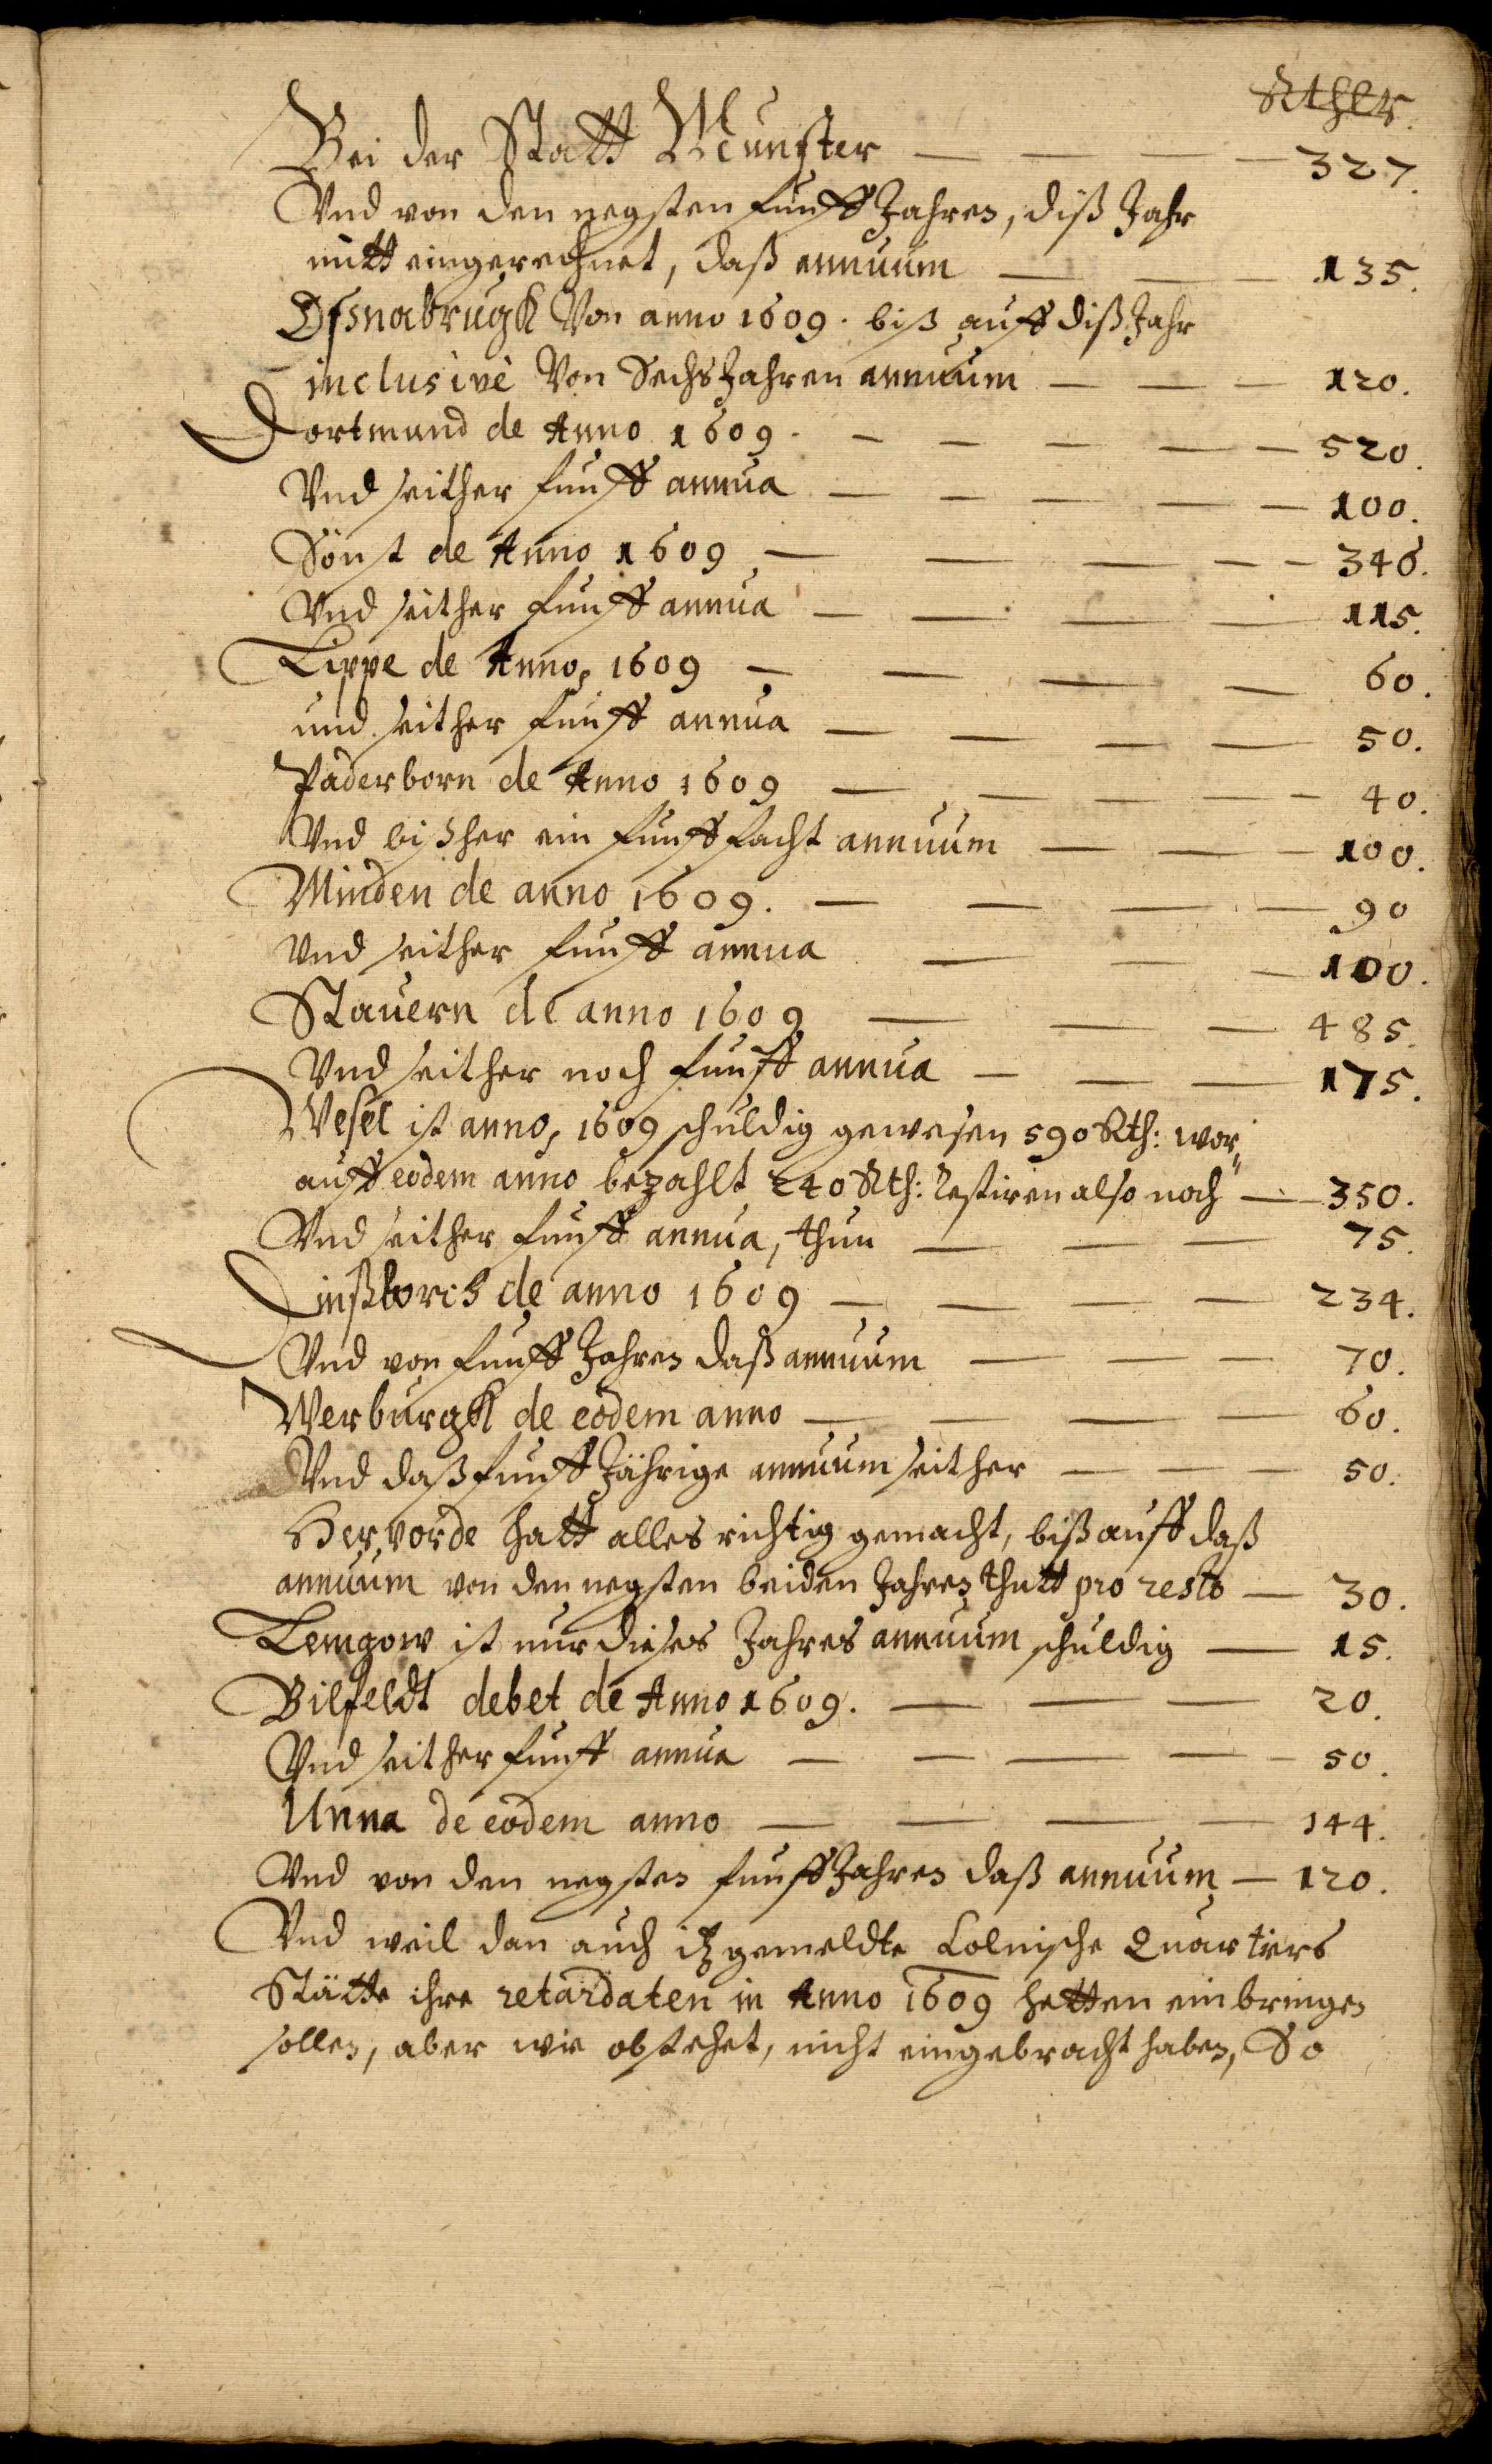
Rthlr
Bei der Statt Munster - - - - 327.
Vnd von den negsten funff Jahren, diß Jahr
mitt eingerechnet, daß annuum - - - 135.
Ossnabrugk von anno 1609. biß auff diß Jahr
inclusive von Sechs Jahren annuum - - - 120.
Dortmund de Anno 1609. - - - - - 520.
Vnd seither funff annua - - - - - 100.
Soest de Anno 1609 - - - - - 346.
Und seither funff annua - - - - 115.
Lippe de Anno p 1609 - - - - 60.
und seither funff annua - - - - 50.
Paderborn de Anno 1609 - - - - - 40.
Vnd bißher ein funff facht annuum - - - 100.
Minden de anno 1609. - - - - 90
vnd seither funff annua - - - 100.
Stauern de anno 1609 - - 485.
Vnd seither noch funff annua - - - 175.
Wesel ist anno p 1609 schuldig gewesen 590 Rth: wor¬
auff eodem anno bezahlt 240 Rth: restiren also noch - 350.
Vnd seither funff annua, thun - - - 75.
Diußborch de anno 1609 - - - - 234.
vnd von funff Jahren daß annuum - - - 70.
Werburgk de eodem anno - - - - 60.
Vnd daß funft Jährige annuum seither - - - 50.
Hervorde hatt alles richtig gemacht, biß auff daß
annuum von den negsten beiden Jahren thutt pro resto - 30.
Lemgow ist nur dieses Jahres annuum schuldig - 15.
Bilfeldt debet de Anno 1609. - - - 20.
Vnd seither funff annua - - - - - 50.
Unna de eodem anno - - - - 144.
Vnd von den negsten funff Jahren daß annuum - 120.
Vnd weil dan auch itzgemeldte Colnische Quartiers
Stätte ihre retardaten in Anno 1609 hetten einbringen
sollen, aber wie obstehet, nicht eingebracht haben, So
